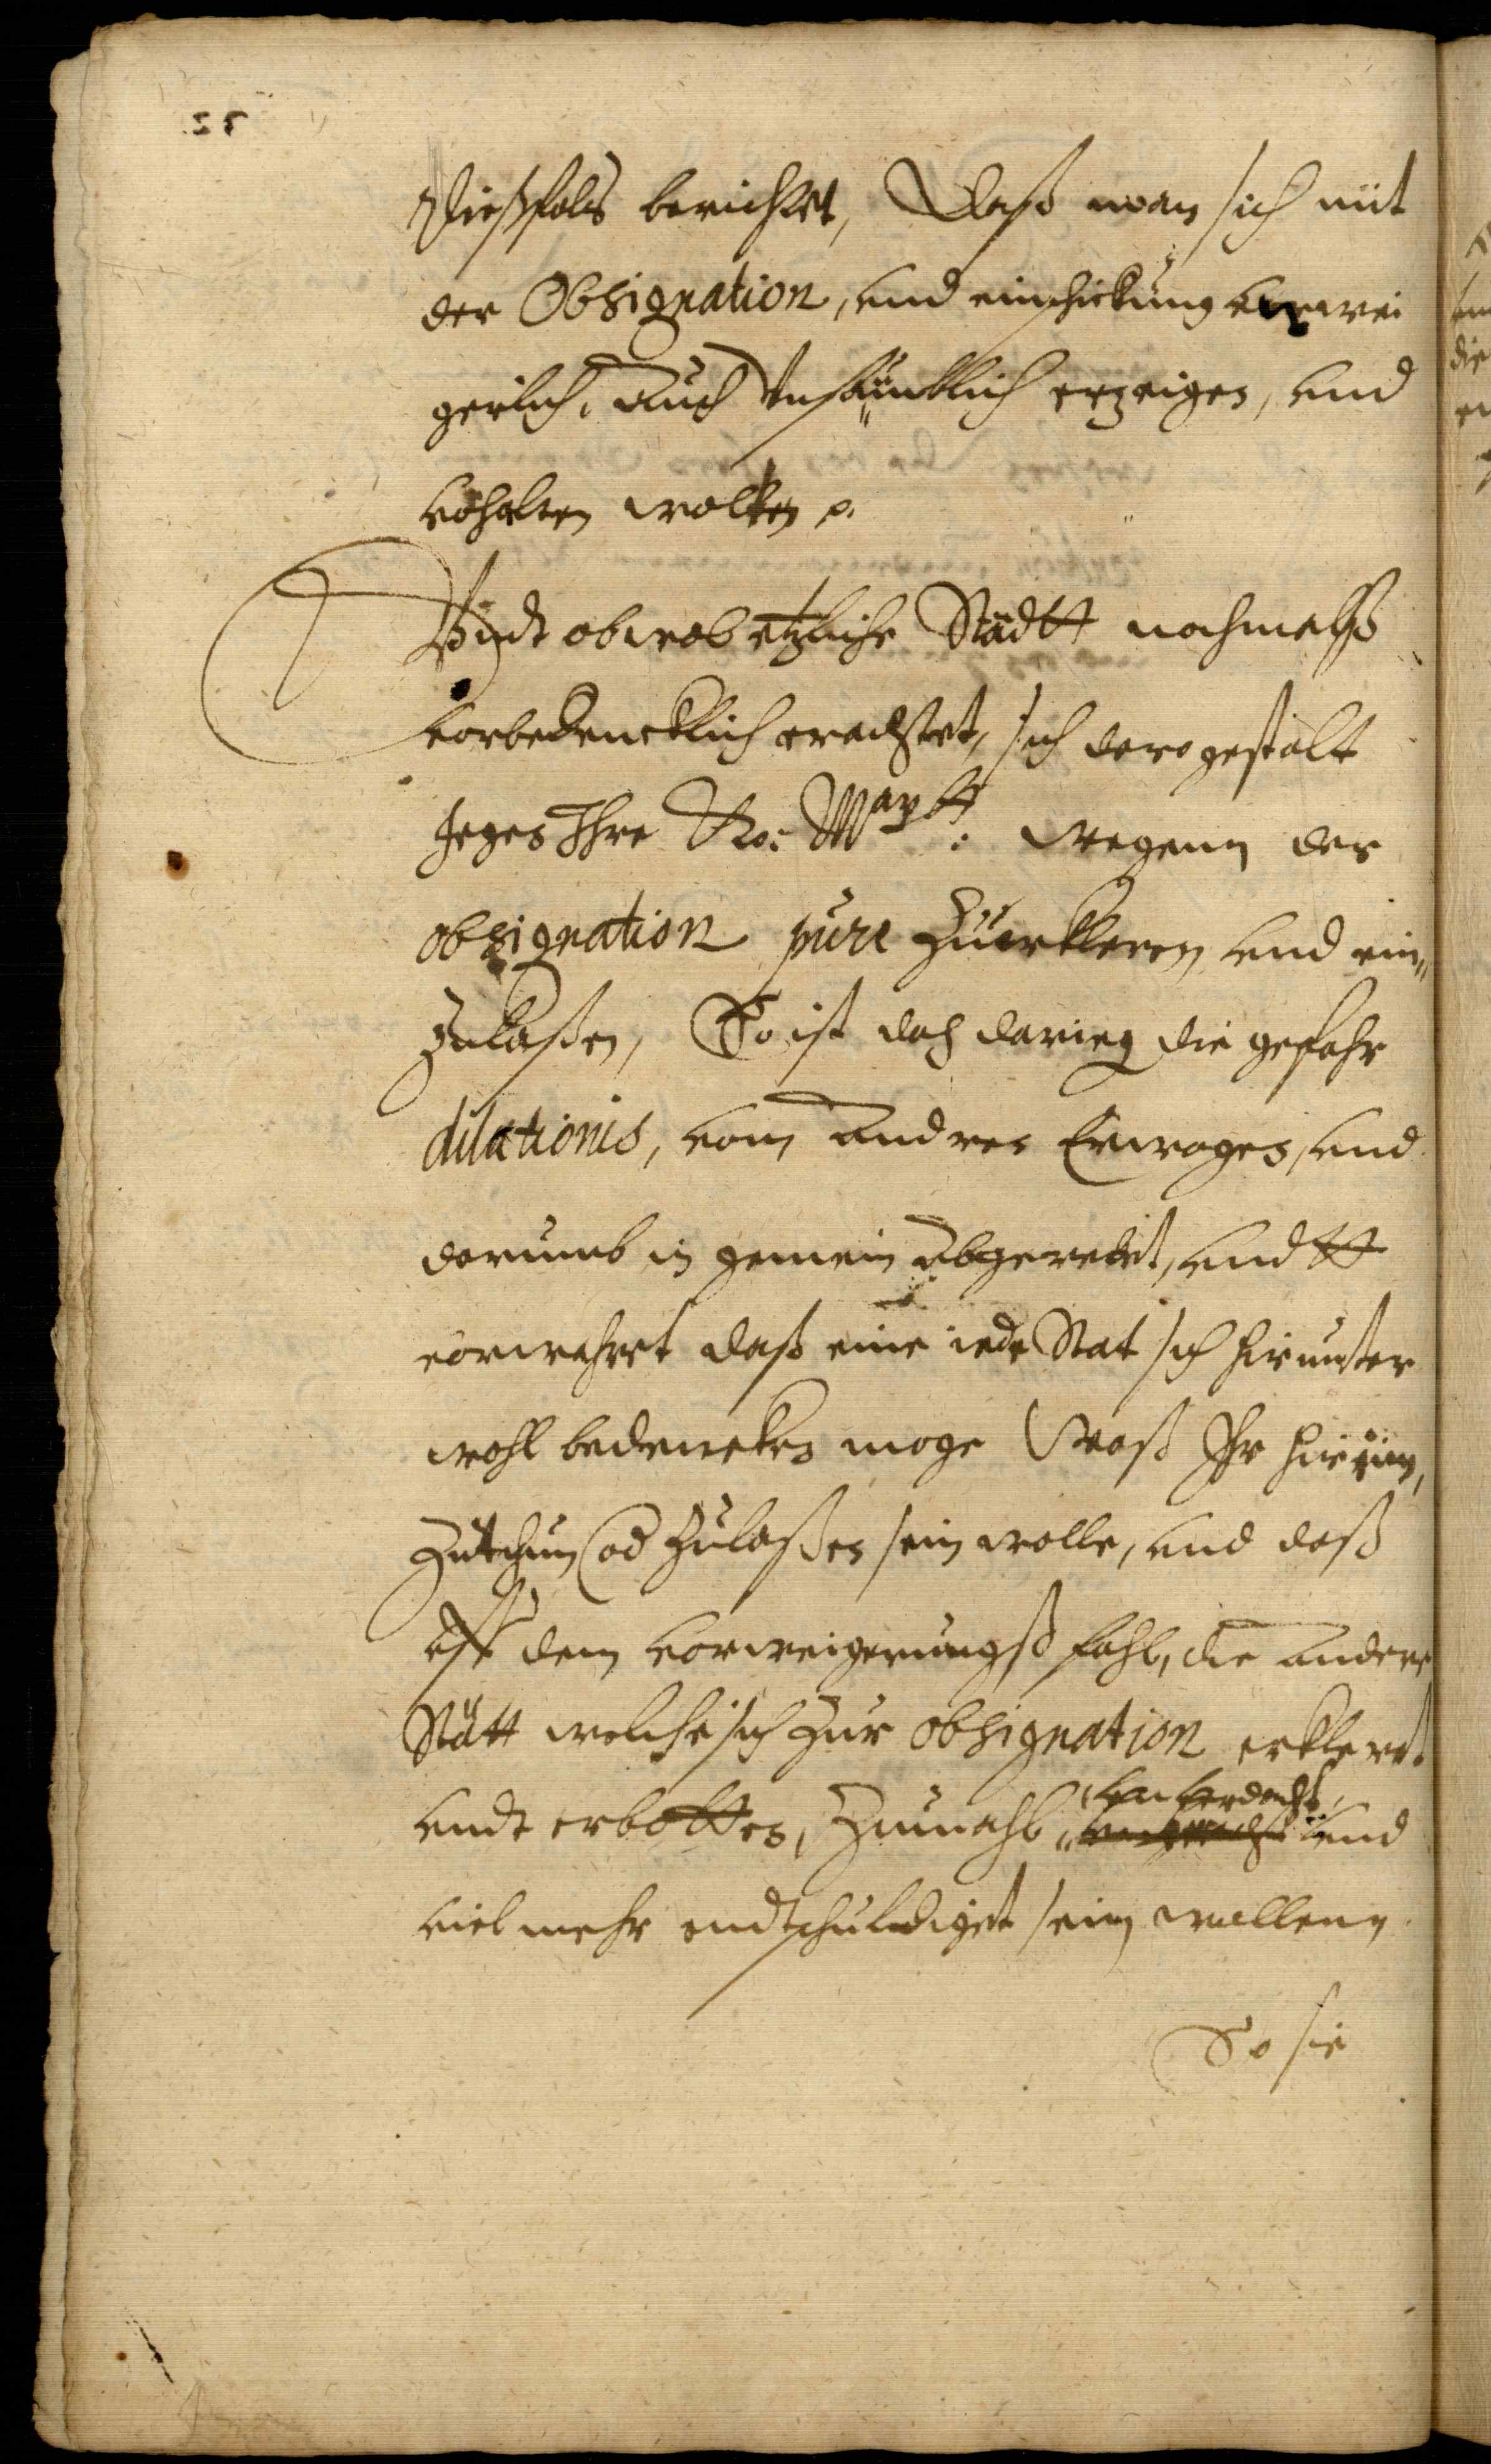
dießfals berichtet, Daß man sich mit
der Obsignation, vnd einschickung vnwei
gerlich, Auch Vnsämblich erzeigen, vnd
vöhalten wolten p.
Vnd obwol etzliche Stätt nochmalß
vorbedencklich erachtet, sich dero gestalt
Jegen Ihre Ko. Maytt : wegenn der
obsignation pure zuerkleren vnd ein¬
zulaßen, So ist dah dariegen die gefahr
dilationis, vom Andren Erwogen, vnd
darumb in gemein Abgerecht, vndtt
eorwahret daß eine iede Stat sich hirunter
wohl bedencken moge Waß Ihr hier in,
Zuthun oder Zulaßen sein wolle, vnd daß
vff dem vorweigerungß fahl, die Andere
Stätt welche sich zur obligation erkleret
vndt erbotten, Zumahl von verdacht vndmacht vnd
viel mehr endtschuldiget seinn wollenn
So sie
